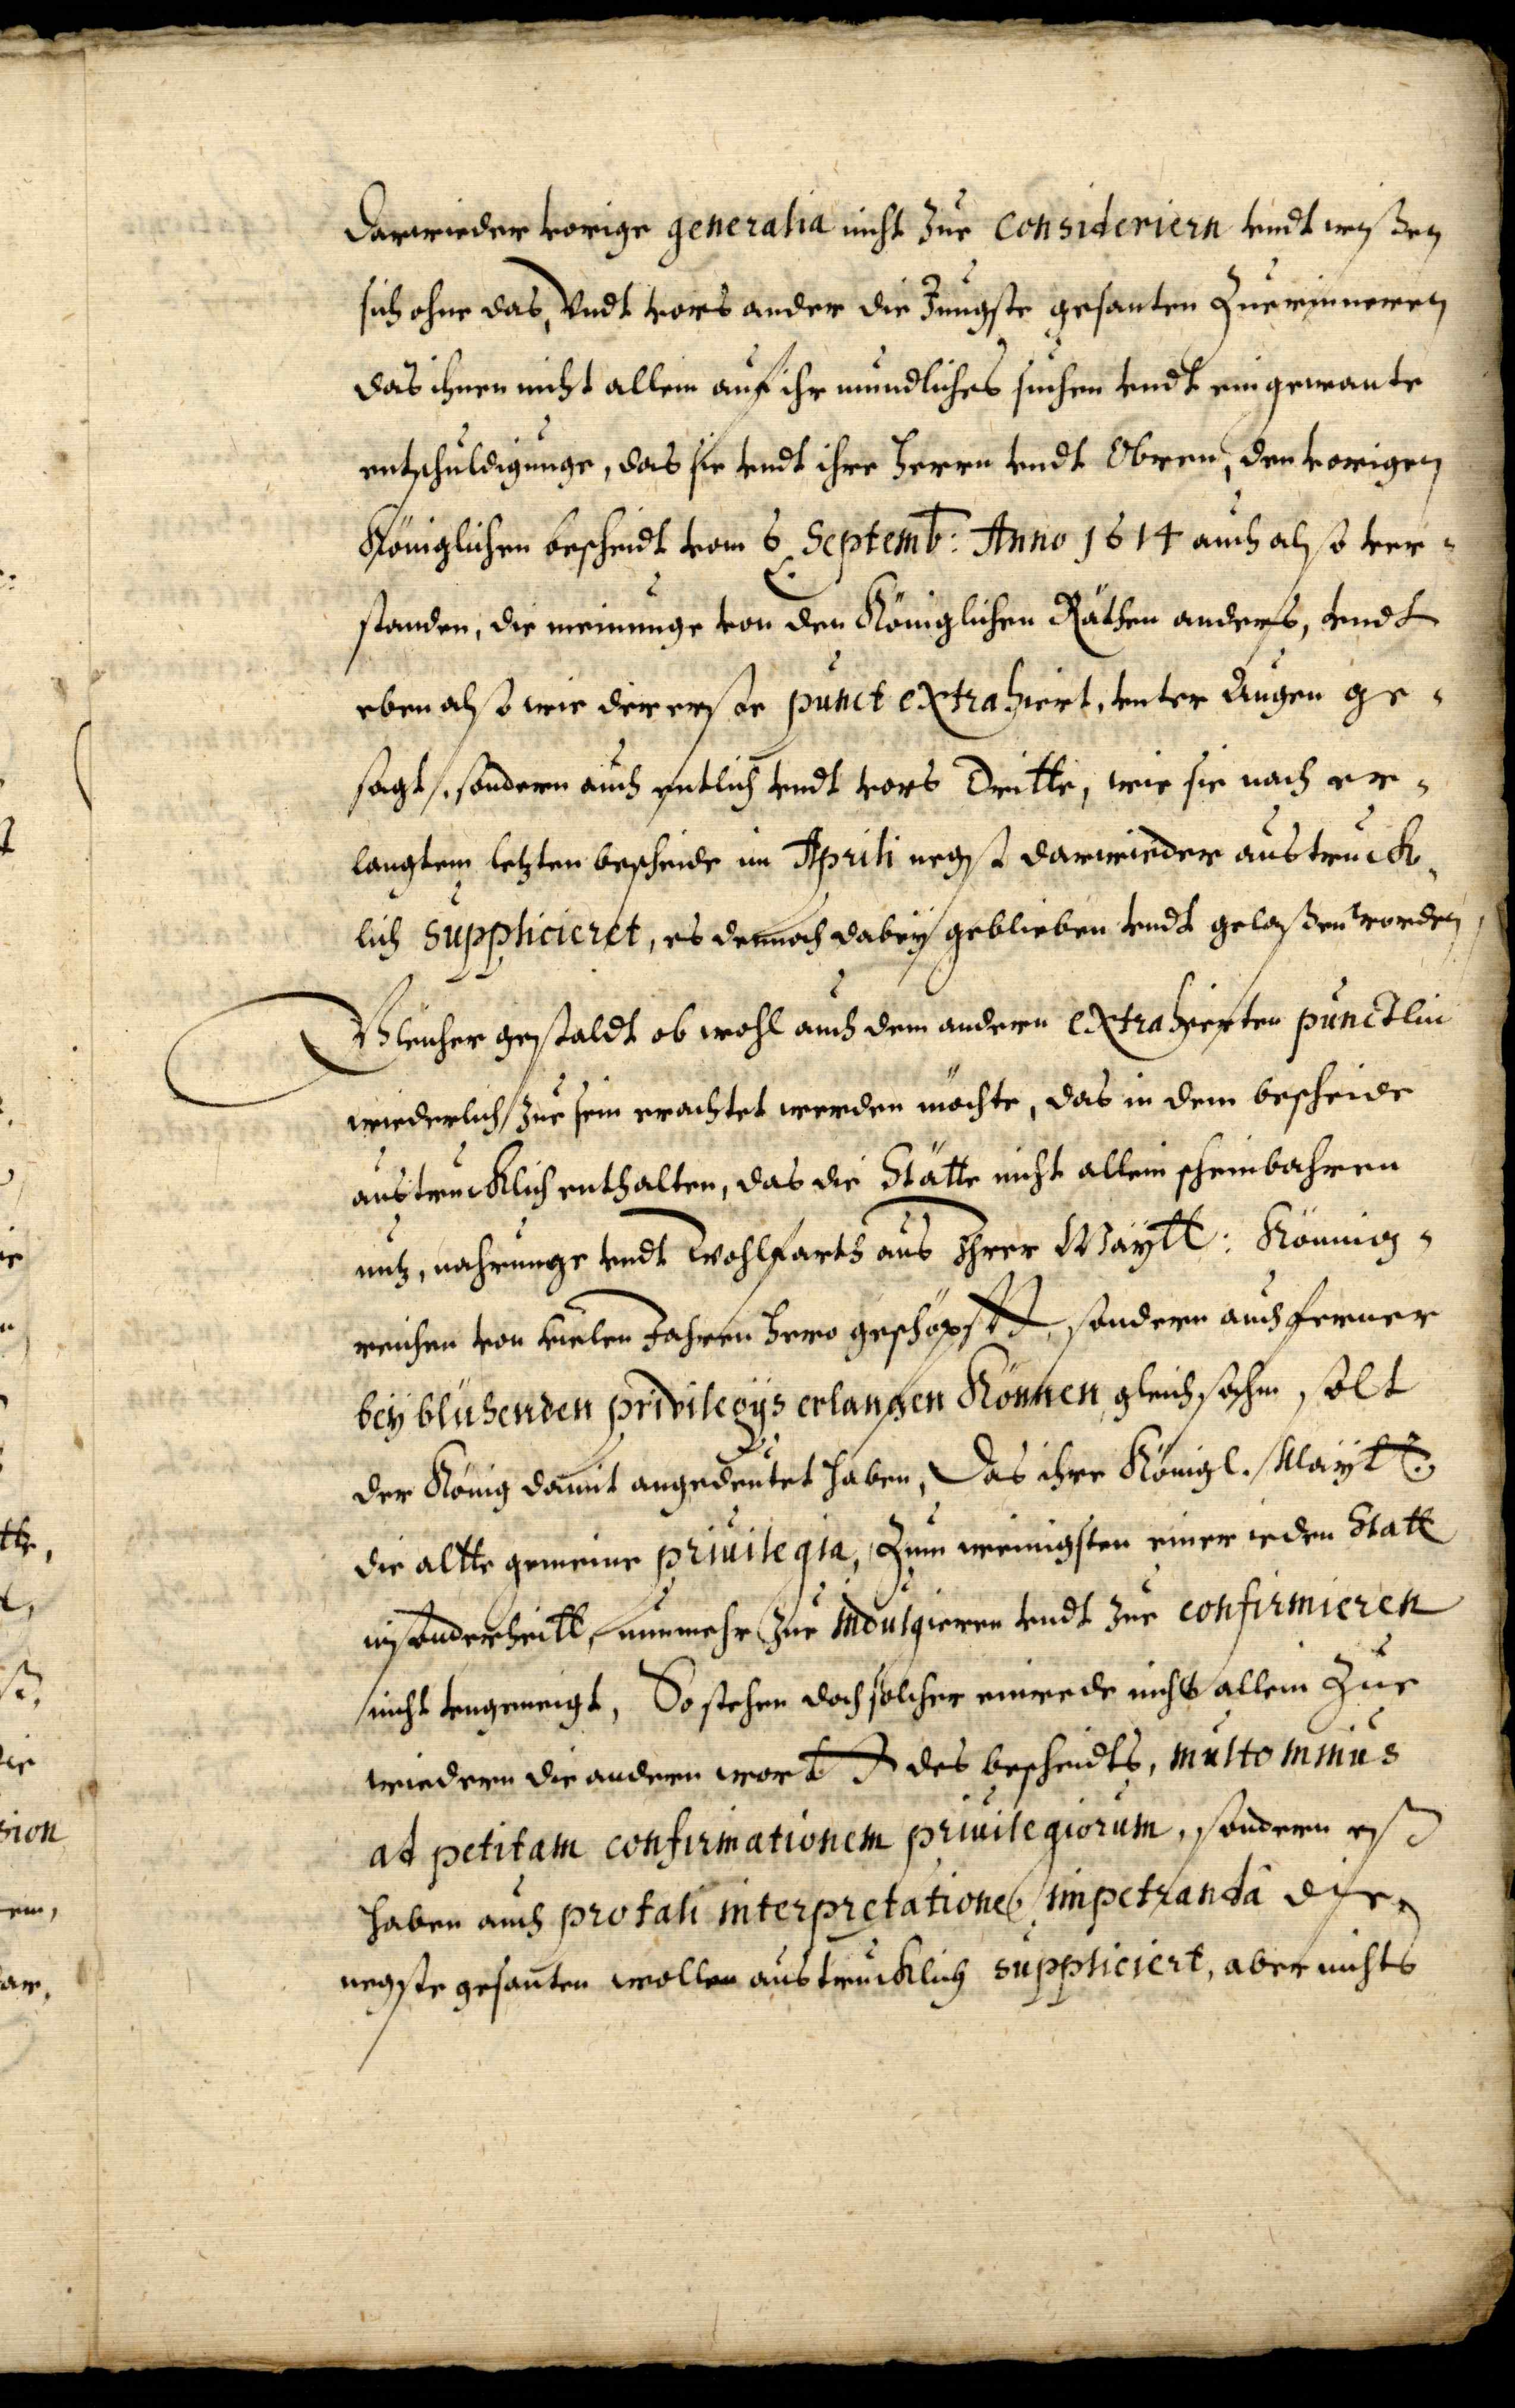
darwieder vorige generalia nicht zue consideriern vndt wißen
sich ohne das, Vndt vors ander die Jungste gesanten zuerinneren
das ihnen nicht allein auf ihr mundliches suchen vndt eingewante
entschuldigunge, das sie vndt ihre Herrn vndt Obren, den vorigen
Königlichen bescheidt vom 6 Septemb: Anno 1614 auch also ver¬
standen, die meinunge von den Königlichen Räthen anders, vndt
eben also wie der erste punct extrahiert, vnter Augen ge¬
sagt, sondern auch entlich vndt vors Dritte, wie sie nach er¬
langtem letzten bescheide im Aprili negst darwieder austruck¬
lich supplicieret, es dennoch dabeij geblieben vndt gelaßen worden,
Gleicher gestaldt ob wohl auch dem andern extrahierten punctlin
wiederlich zue sein erachtet werden möchte, das in dem bescheide
austrucklich enthalten, das die Stätte nicht allein scheinbahren
nutz, nahrunge vndt Wohlfarth aus Ihrer Maijtt: Könnig¬
reichen von vielen Jahren hero geschöpfft, sondern auch ferner
beij blühenden privilegijs erlangen können, gleichsahm solt
der König damit angedeutet haben, Das ihre Königl. Maijtt:
die altte gemeine priuilegia, zum weinigsten einer ieden Statt
insonderheitt, nunmehr zue indulgieren vndt zue confirmieren
nicht vngeneigt, So stehen doch solcher einrede nichts allein zue
wiedern die andern wortt des bescheidts, multo minus
ad petitam confirmationem priuilegiorum, sondern eß
haben auch protali interpretatione impetranda die
negste gesanten wollen austrucklich suppliciert, aber nichts
